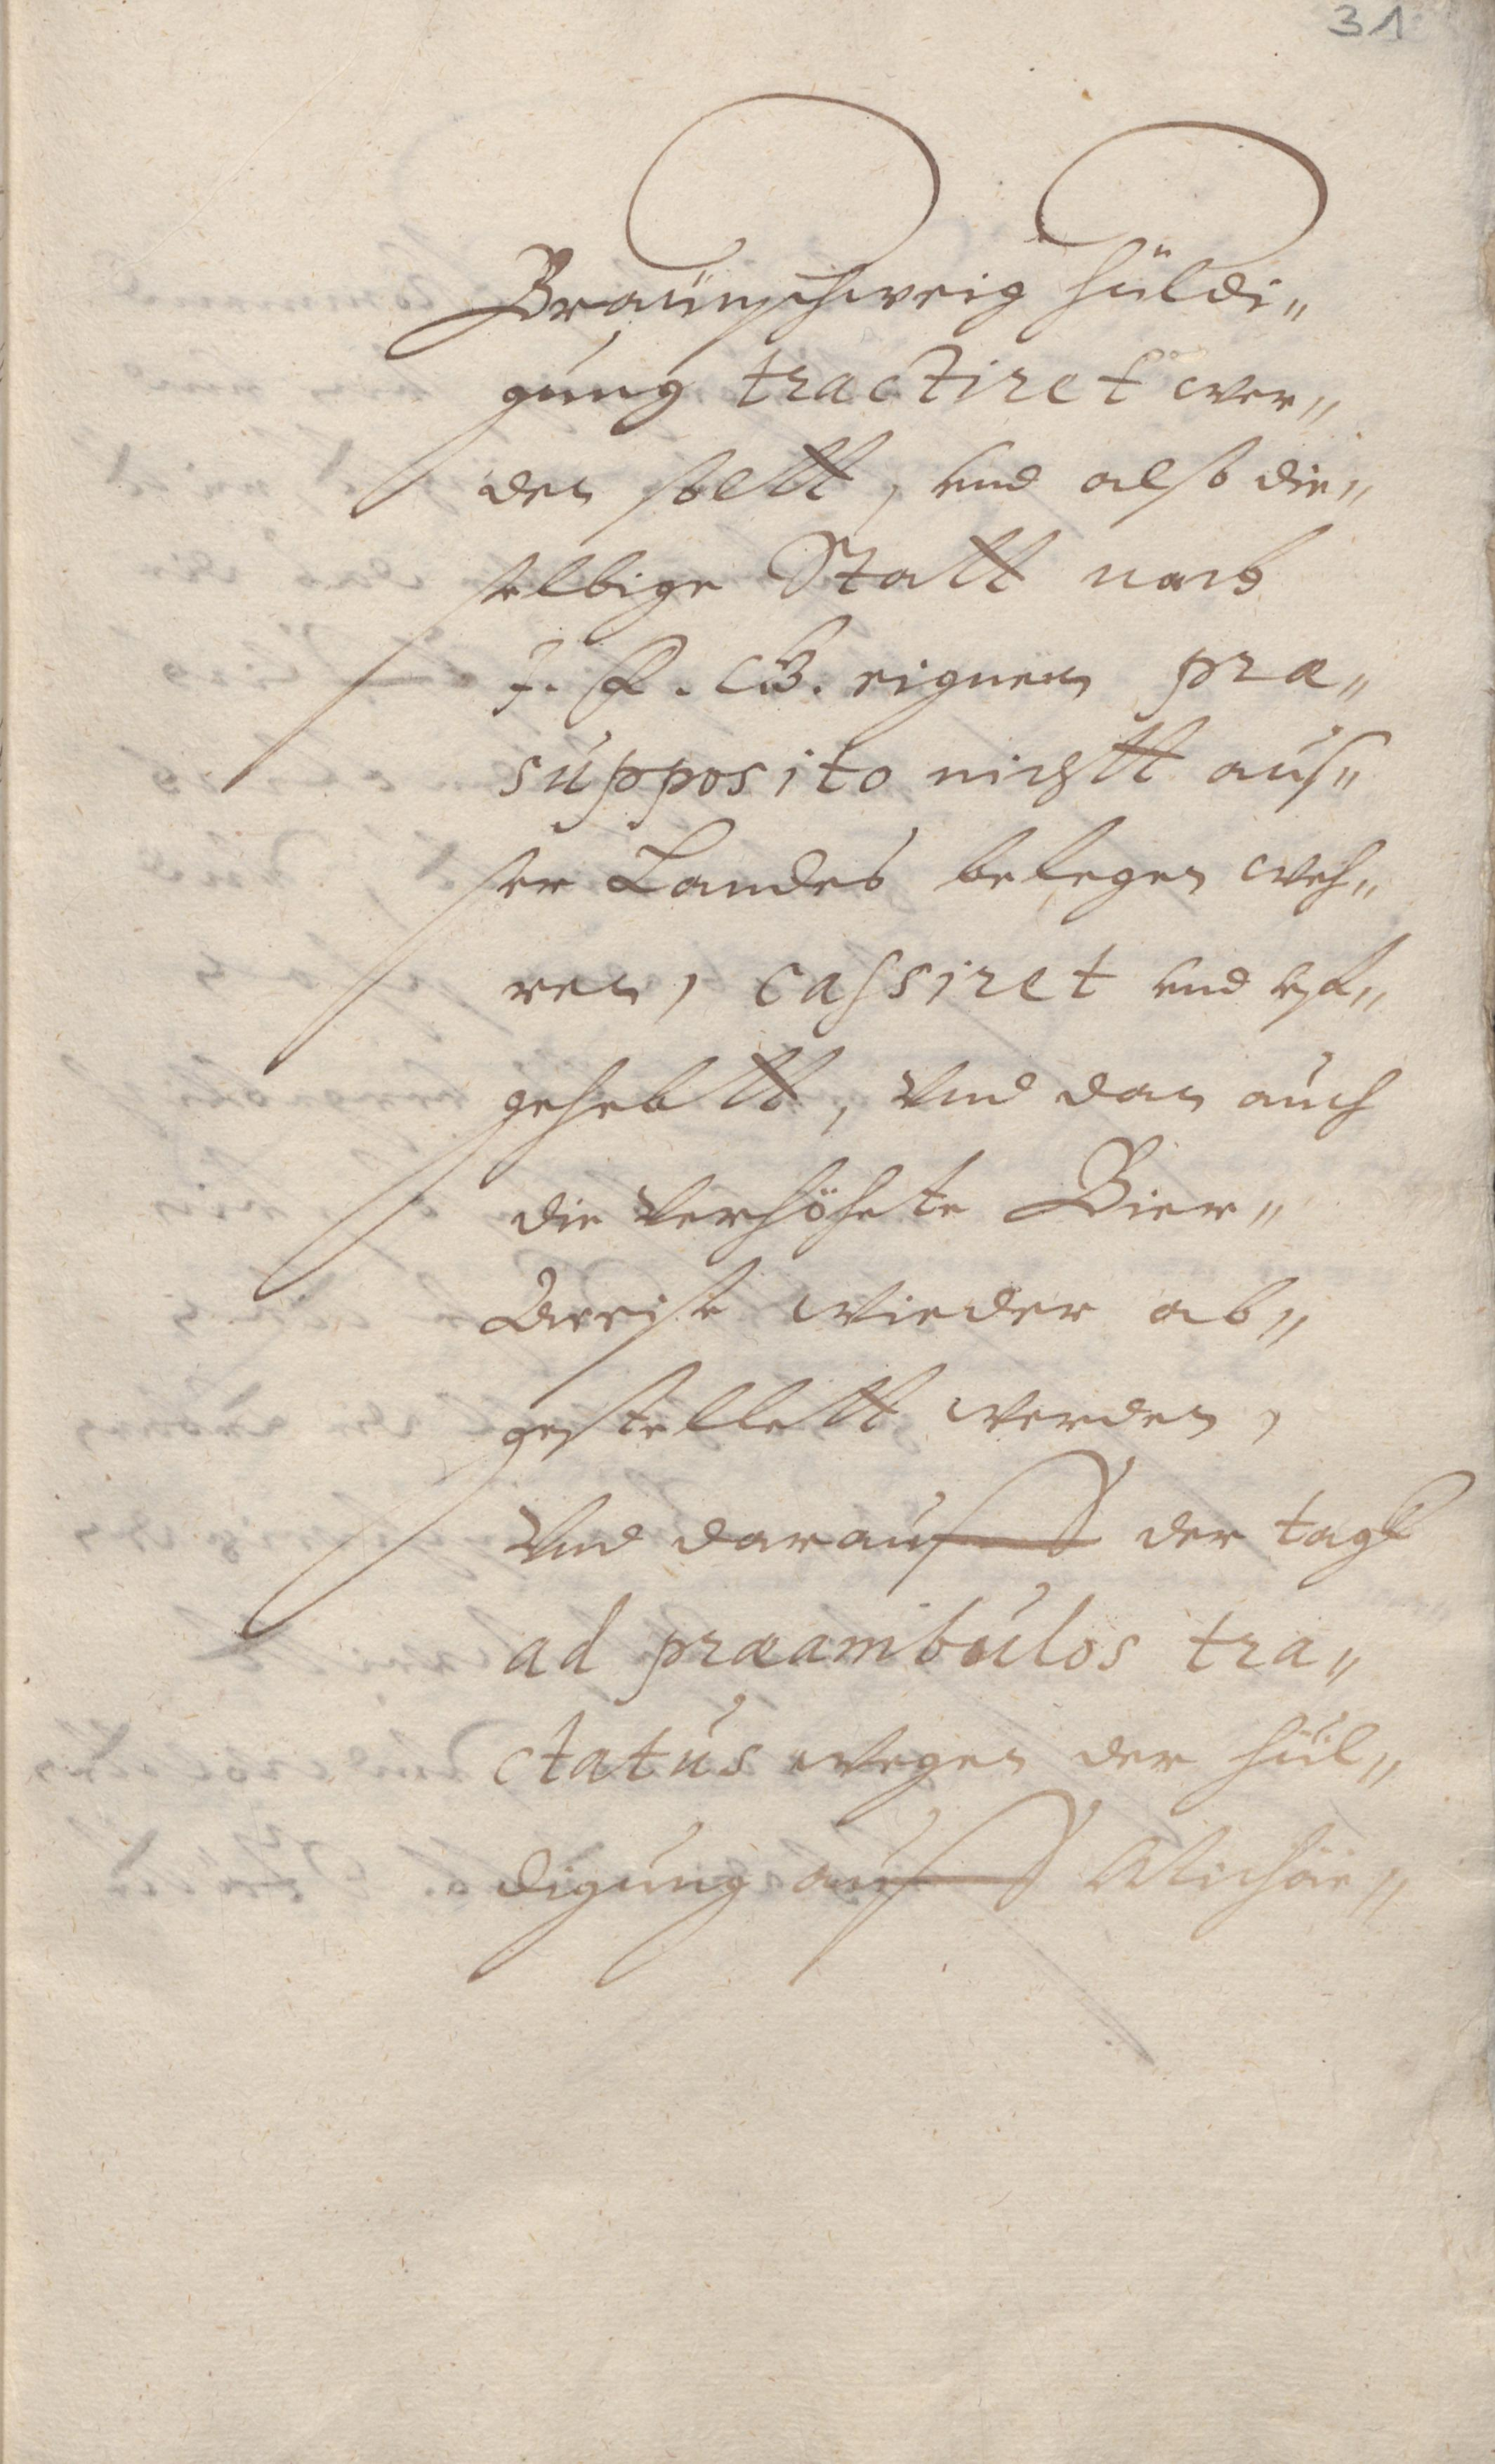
Braunschweig hüldi¬
gung tractiret wer¬
den soltt, vnd also die¬
selbige Statt nach
I. F. G. eignen prae¬
supposito nichtt aus¬
ser Landes belegen weh¬
ren, cassiret vnd vf¬
gehebtt, vnd dan auch
die Verhöhette Bier¬
Accise wieder ab¬
gestellett werden,
Vnd darauff der tagk
ad praeambulos tra¬
ctatus wegen der hul¬
digung auff Michae¬
